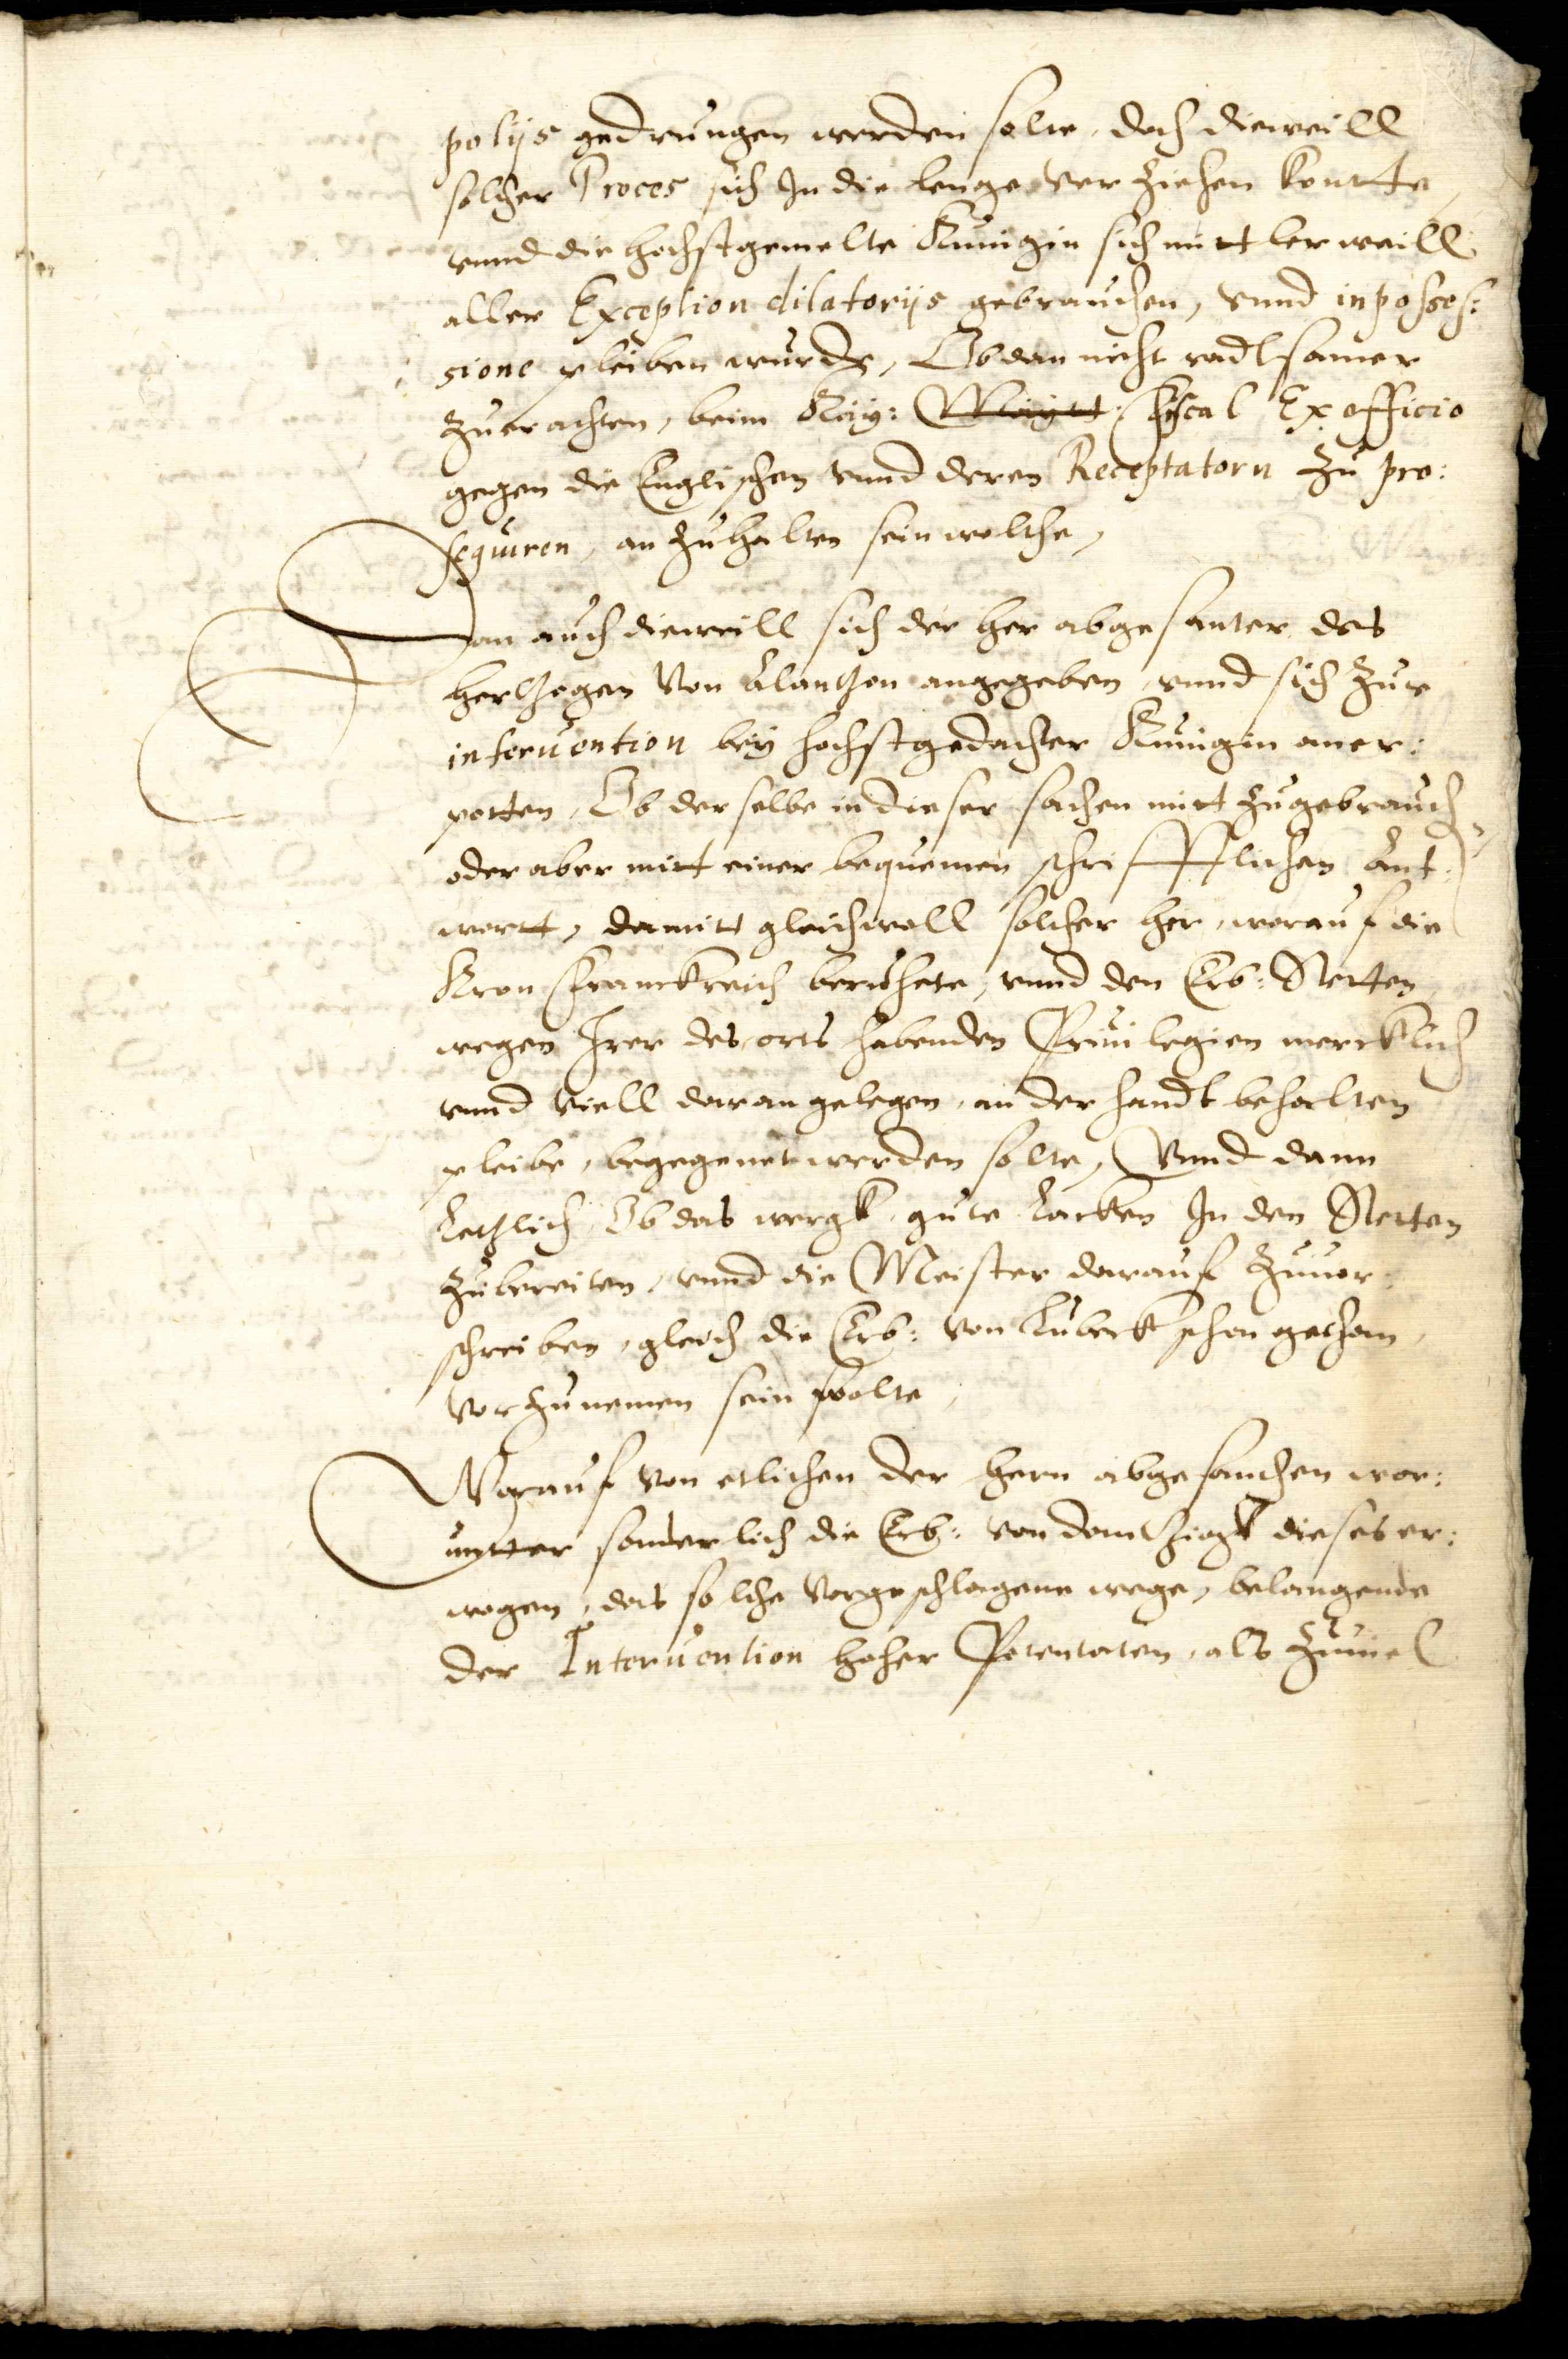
polijs gedrungen werden solte, doch dieweill
solcher Proces sich Jn die lenge verziehen kontte,
vnnd die hochstgemelte Kunigin sich mittlerweill
aller Exception dilatorijs gebrauchen, vnnd in posses¬
sione pleiben wurde, Obdan nicht radtsamer
zuerachten, beim Kaij: Maijtt: Fiscal Ex officio
gegen die Englischen vnnd deren Receptatorn zu pro¬
sequiren, anzuhalten sein wolthe,
Dan auch dieweill sich der her abgesanter des
Hertzogen von Alantzon angegeben, vnnd sich zur
interuention bey hochstgedachter Kunigin aner¬
potten, Ob derselbe in dieser sachen mitt zu gebrauchen
oder aber mitt einer bequemen schrifftlichen Ant¬
wortt, damitt gleichwoll solcher her, worauf die
Kron Franckreich beruhete, vnnd den Erb: Stetten
wegen Jrer des orts habenden Priuilegien mercklich
vnnd viell daran gelegen, an der handt behalten
pleibe, begegenet werden solte, Vnnd dann
Letzlich Ob das wergk gute Lacken Jn den Stetten
zubereiten, vnnd die Meister darauf zuuor¬
schreiben, gleich die Erb: von Lubeck schon gethan,
vorzunemen sein wolte,
Worauf von etlichen der hern abgesanthen wor¬
untter sonderlich die Erb: von Dantzigk dieses er¬
wogen, das solche vorgeschlagene wege, belangende
der Interuention hoher Potentaten, als zuuiel
